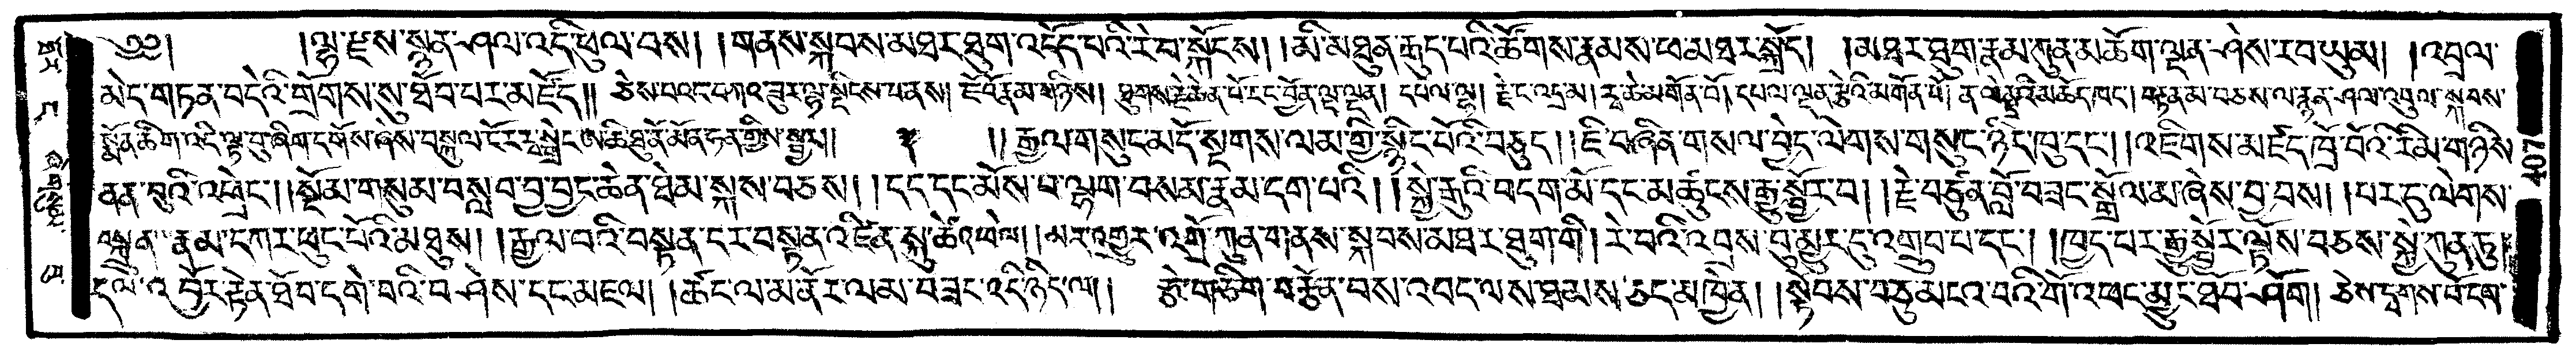༄༅། །ལྷ་རྫས་སྙན་ཤལ་འདི་ཕུལ་བས། །གནས་སྐབས་མཐར་ཐུག་འདོད་པའི་རེ་བ་སྐོངས། །མི་མཐུན་རྒུད་པའི་ཚོགས་རྣམས་ཕ་མཐར་སྐྲོད། །མཐར་ཐུག་རྣམ་ཀུན་མཆོག་ལྡན་ཤེས་རབ་ཡུམ། །འབྲལ་
མེད་གཏན་བདེའི་གྲོགས་སུ་ཐོབ་པར་མཛོད། །ཅེས་པའང་བཀའ་ཟུར་ལྷ་སྡིངས་པ་ནས། ཇོ་བོ་རྣམ་གཉིས། ཐུགས་རྗེ་ཆེན་པོ་རང་བྱོན་ལྡ་ལྡན། དཔལ་ལྷ། རྗེ་ང་འདྲ་མ། རྭ་ཆེ་མགོན་བོ། དཔལ་ལྡན་རྩེའི་མགོན་པོ། ན་ལེནྡྲའི་མཆོད་ཁང་། བརྟན་མ་བཅས་ལ་རྙན་ཤལ་འབུལ་སྐབས་
སྨོན་ཚིག་འདི་ལྟ་བུ་ཞིག་དགོས་ཞེས་བསྐུལ་ངོར་རྭ་སྒྲེང་ཨ་ཆི་ཐུ་ནོ་མོན་ཧན་གྱིས་སྦྱར།། ༈ །།རྒྱལ་གསུང་མདོ་སྔགས་ལམ་གྱི་སྙིང་པོའི་བཅུད། །ཇི་བཞིན་གསལ་བྱེད་ལེགས་གསུང་ཉིད་ཁུ་དང་། །འཇིགས་མཛད་ཁྲོ་བོའི་རིམ་གཉིས་
ནན་བུའི་འཕྲེང་། །སྡོམ་གསུམ་བསླབ་བྱ་བྱང་ཆེན་ཐེམ་སྐས་བཅས། །དད་དང་མོས་བ་ལྷག་བསམ་རྣམ་དག་པའི། སྐྱེ་རྒུའི་བདག་མོ་དང་མཚུངས་རྒྱུ་སྦྱོར་བ། །རྗེ་བཙུན་བློ་བཟང་སྒྲོལ་མ་ཞེས་བྱ་བས། །པར་དུ་ལེགས་
བསྐྲུན་རྣམ་དཀར་ཕུང་པོའི་མཐུས། །རྒྱལ་བའི་བསྟན་དར་བསྟན་འཛིན་སྐུ་ཚེ་འཕེལ། །མར་འགྱུར་འགྲོ་ཀུན་གནས་སྐབས་མཐར་ཐུག་གི །རེ་བའི་འབྲས་བུ་མྱུར་དུ་འགྲུབ་པ་དང་། །ཁྱད་པར་རྒྱུ་སྦྱོར་ལྟོས་བཅས་སྐྱེ་ཀུན་ཏུ་
དལ་འབྱོར་རྟེན་ཐོབ་དགེ་བའི་བཤེས་དང་མཇལ། །ཚང་ལ་མ་ནོར་ལམ་བཟང་འདི་ཉིད་ལ། །རྩེ་གཅིག་བརྩོན་བས་འབད་ལས་ཐམས་ཅད་མཁྱེན། །སྟོབས་བཅུ་མངའ་བའི་གོ་འཕང་མྱུར་ཐོབ་ཤོག །ཅེས་དྭགས་པོ་དག་